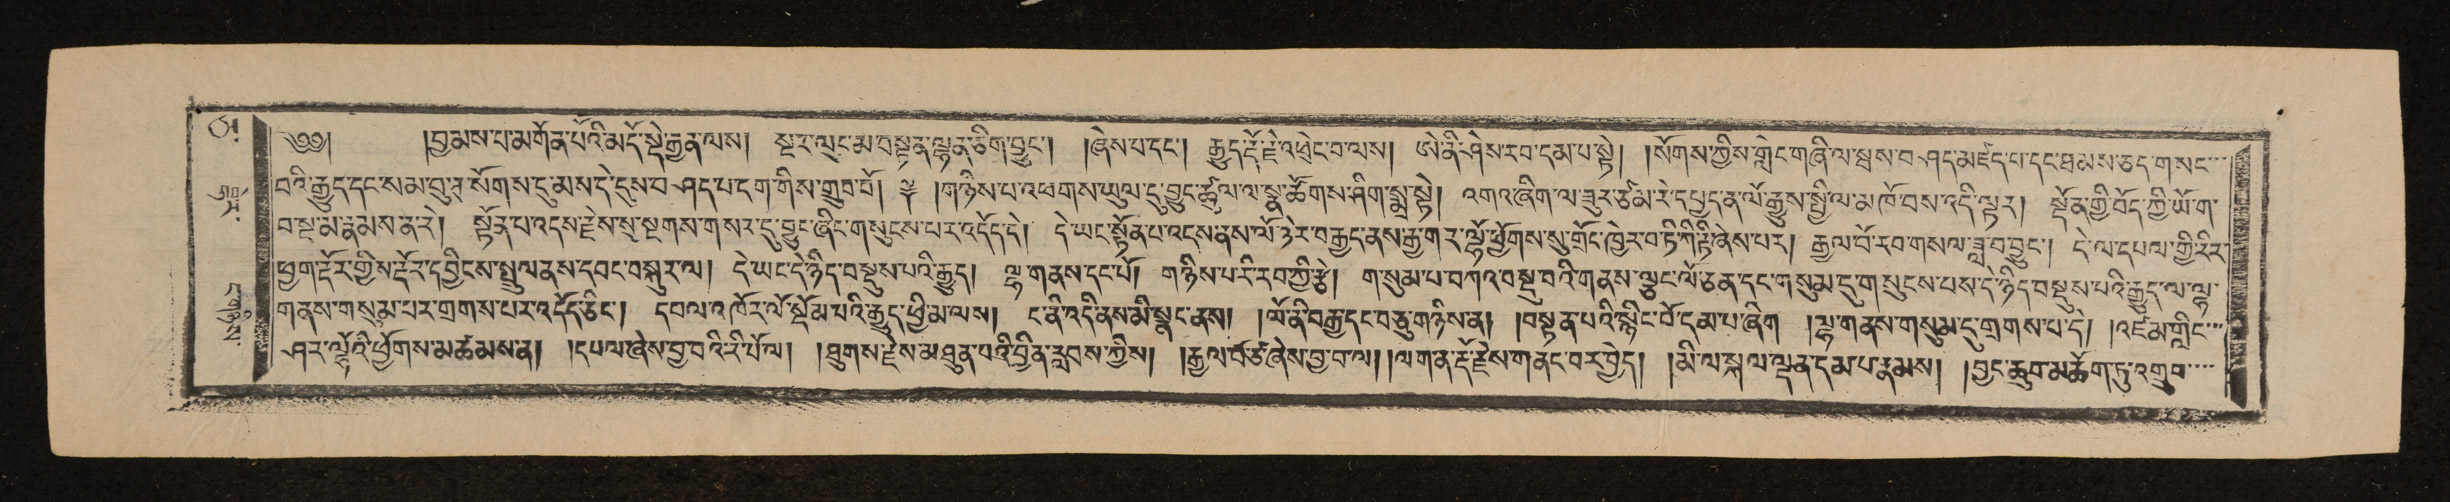༄༅། །བྱམས་པ་མགོན་པོའི་མདོ་སྡེ་རྒྱན་ལས། སྔར་ལུང་མ་བསྟན་ལྷན་ཅིག་བྱུང་། །ཞེས་པ་དང་། རྒྱུད་རྡོ་རྗེ་འཕྲེང་བ་ལས། ཨེ་ནི་ཤེས་རབ་དམ་པ་སྟེ། །སོགས་ཀྱིས་གླེང་གཞི་ལ་སྦས་བཤད་མཛད་པ་དང་ཐམས་ཅད་གསང་
པའི་རྒྱུད་དང་སམ་བུ་ཊ་སོགས་དུ་མས་དེ་དུས་བཤད་པ་དག་གིས་གྲུབ་པོ། ༈ །གཉིས་པ་འཕགས་ཡུལ་དུ་བྱུང་ཚུལ་ལ་སྣ་ཚོགས་ཤིག་སྨྲ་སྟེ། འགའ་ཞིག་ལ་ཟུར་ཙམ་རེ་དཔྱད་ན་ལོ་རྒྱུས་སྤྱི་ལ་མཁོ་བས་འདི་ལྟར། སྔོན་གྱི་བོད་ཀྱི་ཡོག་
པ་སྔ་མ་རྣམས་ན་རེ། སྟོན་པ་འདས་རྗེས་སུ་སྔགས་གསར་དུ་བྱུང་ཞིང་གསུངས་པར་འདོད་དེ། དེ་ཡང་སྟོན་པ་འདས་ནས་ལོ་ཉེར་བརྒྱད་ནས་རྒྱ་གར་ལྷོ་ཕྱོགས་སུ་གྲོང་ཁྱེར་བཏི་ཀིརྟི་ཞེས་པར། རྒྱལ་པོ་རབ་གསལ་ཟླ་བ་བྱུང་། དེ་ལ་དཔལ་གྱི་རིར་
ཕྱག་རྡོར་གྱིས་རྡོང་དབྱིངས་སྤྲུལ་ནས་དབང་བསྐུར་ལ། དེ་ཡང་དེ་ཉིད་བསྡུས་པའི་རྒྱུད། ལྷ་གནས་དང་པོ། གཉིས་པ་རི་རབ་ཀྱི་རྩེ། གསུམ་པ་བཀའ་བསྡུ་པའི་གནས་ལྕང་ལོ་ཅན་དང་གསུམ་དུ་གསུངས་པས་དེ་ཉིད་བསྡུས་པའི་རྒྱུད་ལ་ལྷ་
གནས་གསུམ་པར་གྲགས་པར་འདོད་ཅིང་། དཔལ་འཁོར་ལོ་སྡོམ་པའི་རྒྱུད་ཕྱི་མ་ལས། ང་ནི་འདི་ནས་མི་སྣང་ནས། །ལོ་ནི་བརྒྱ་དང་བཅུ་གཉིས་ན། །བསྟན་པའི་སྙིང་པོ་དམ་པ་ཞིག །ལྷ་གནས་གསུམ་དུ་གྲགས་པ་དེ། །འཛམ་གླིང་
ཤར་ལྷོའི་ཕྱོགས་མཚམས་ན། །དཔལ་ཞེས་བྱ་བའི་རི་པོ་ལ། །ཐུགས་རྗེས་མཐུན་པའི་བྱིན་རླབས་ཀྱིས། །རྒྱལ་པོ་ཙ་ཞེས་བྱ་བ་ལ། །ལག་ན་རྡོ་རྗེས་གནང་བར་བྱེད། །མི་ལ་སྐལ་ལྡན་དམ་པ་རྣམས། །བྱང་ཆུབ་མཆོག་ཏུ་འགྲུབ་